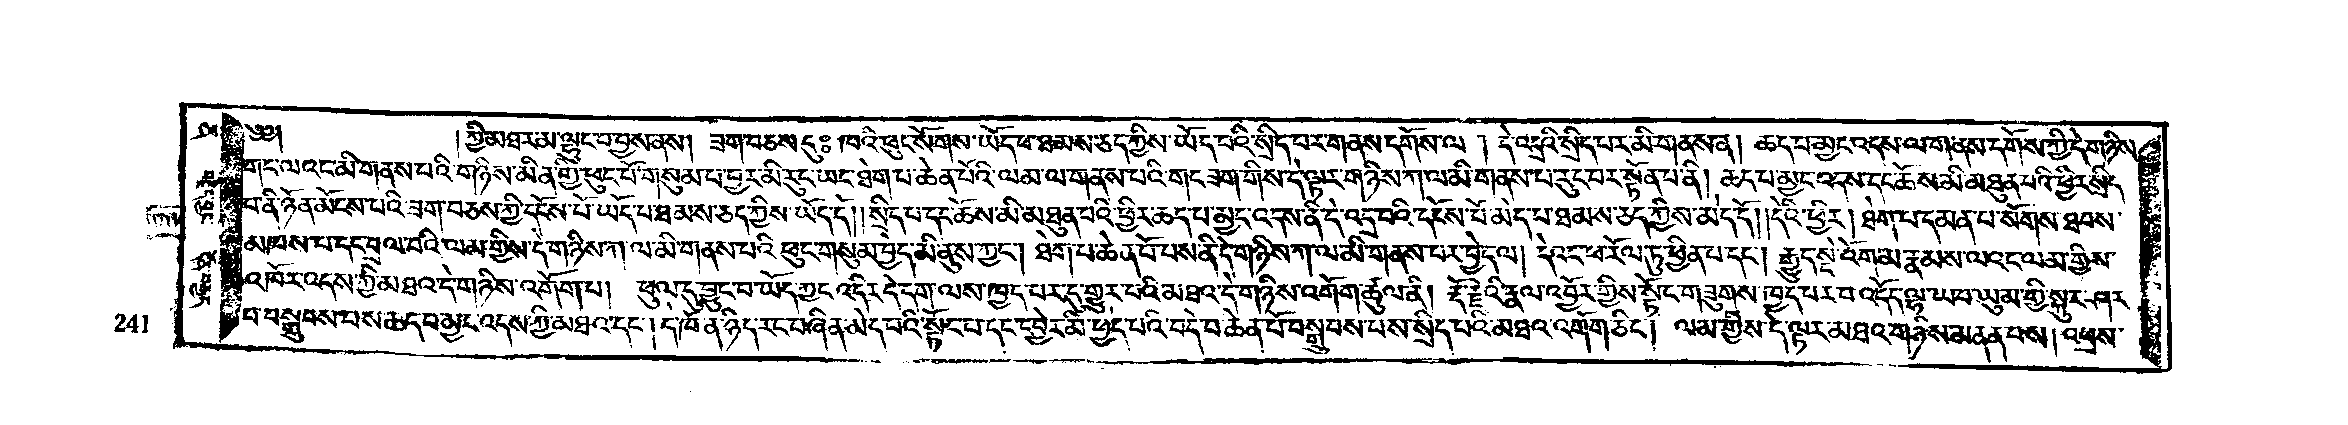༄༅། །ཀྱི་མཐར་མ་ལྷུང་བ་བྱས་ནས། ཟག་བཅས་དུཿ ཁའི་ཕུང་སོགས་ཡོད་པ་ཐམས་ཅད་ཀྱིས་ཡོད་པའི་སྲིད་པར་གནས་དགོས་ལ། དེ་འདྲའི་སྲིད་པར་མི་གནས་ན། ཆད་པ་མྱང་འདས་ལ་གནས་དགོས་ཀྱི་དེ་གཉིས་
གང་ལའང་མི་གནས་པའི་གཉིས་མིན་གྱི་ཕུང་པོ་གསུམ་པ་བྱར་མི་རུང་ཡང་ཐེག་པ་ཆེན་པོའི་ལམ་ལ་གནས་པའི་གང་ཟག་གིས་དེ་ལྟར་གཉིས་ཀ་ལ་མི་གནས་པ་རུང་བར་སྟོན་པ་ནི། ཆད་པ་མྱང་འདས་དང་ཆོས་མི་མཐུན་པའི་ཕྱིར་སྲིད་
པ་ནི་ཉོན་མོངས་པའི་ཟག་བཅས་ཀྱི་དངོས་པོ་ཡོད་པ་ཐམས་ཅད་ཀྱིས་ཡོད་དོ། །སྲིད་པ་དང་ཆོས་མི་མཐུན་པའི་ཕྱིར་ཆད་པ་མྱང་འདས་ནི་དེ་འདྲ་བའི་དངོས་པོ་མེད་པ་ཐམས་ཅད་ཀྱིས་མེད་དོ། །དེའི་ཕྱིར། ཐེག་པ་དམན་པ་སོགས་ཐབས་
མཁས་པ་དང་བྲལ་བའི་ལམ་གྱིས་དེ་གཉིས་ཀ་ལ་མི་གནས་པའི་ཕུང་གསུམ་བྱེད་མི་ནུས་ཀྱང་། ཐེག་པ་ཆེན་པོ་པས་ནི་དེ་གཉིས་ཀ་ལ་མི་གནས་པར་བྱེད་ལ། དེའང་ཕ་རོལ་ཏུ་ཕྱིན་པ་དང་། རྒྱུད་སྡེ་འོག་མ་རྣམས་ལའང་ལམ་གྱིས་
འཁོར་འདས་ཀྱི་མཐའ་དེ་གཉིས་འགོག་པ། ཕུལ་དུ་བྱུང་བ་ཡོད་ཀྱང་འདིར་དེ་དག་ལས་ཁྱད་པར་དུ་གྱུར་པའི་མཐའ་དེ་གཉིས་འགོག་ཚུལ་ནི། རྡོ་རྗེའི་རྣལ་འབྱོར་གྱིས་སྟོང་གཟུགས་ཁྱད་པར་བ་འདོད་ལྷ་ཡབ་ཡུམ་གྱི་སྐུར་ཤར་
བ་བསྒྲུབས་པས་ཆད་པ་མྱང་འདས་ཀྱི་མཐའ་དང་། དེ་ཁོ་ན་ཉིད་རང་བཞིན་མེད་པའི་སྟོང་པ་དང་དབྱེར་མི་ཕྱེད་པའི་བདེ་བ་ཆེན་པོ་བསྒྲུབས་པས་སྲིད་པའི་མཐའ་འགོག་ཅིང་། ལམ་གྱིས་དེ་ལྟར་མཐའ་གཉིས་མནན་པས། འབྲས་